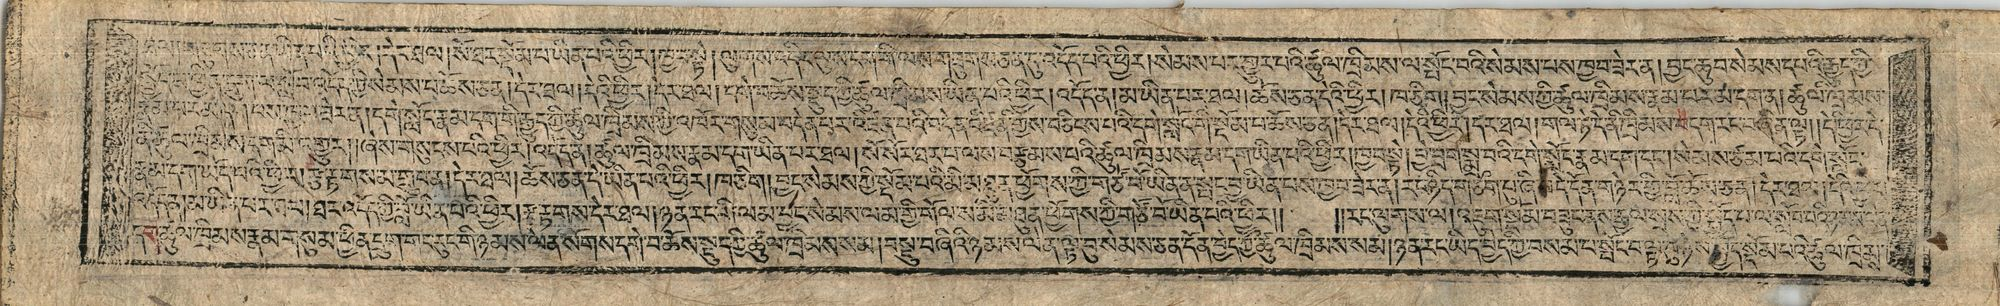ཐལ། གཟུགས་ཅན་ཡིན་པའི་ཕྱིར། དེར་ཐལ། སོ་ཐར་སྡོམ་པ་ཡིན་པའི་ཕྱིར། ཁྱབ་སྟེ། ལུགས་འདིར་ལུས་ངག་གི་ལས་གཟུགས་ཅན་དུ་འདོད་པའི་ཕྱིར། སེམས་པར་གྱུར་པའི་ཚུལ་ཁྲིམས་ལ་སྤོང་བའི་སེམས་པས་ཁྱབ་ཟེར་ན། བྱང་ཆུབ་སེམས་དཔའི་རྒྱུད་ཀྱི་
སྤྱོད་པ་ཕྱིན་དྲུག་ལ་སློབ་འདོད་ཀྱི་སེམས་པ་ཆོས་ཅན། དེར་ཐལ། དེའི་ཕྱིར། དེར་ཐལ། དགེ་བ་ཆོས་སྡུད་ཀྱི་ཚུལ་ཁྲིམས་ཡིན་པའི་ཕྱིར། འདོད་ན། མ་ཡིན་པར་ཐལ། ཆོས་ཅན་དེའི་ཕྱིར། ཁ་ཅིག །བྱང་སེམས་ཀྱི་ཚུལ་ཁྲིམས་རྣམ་པར་མ་དག་ན། ཚུལ་ཁྲིམས་
རྣམ་པར་མ་དག་པས་ཁྱབ་ཟེར་ན། དགེ་སློང་རྣམ་དག་གི་རྒྱུད་ཀྱི་ཚུལ་ཁྲིམས་ཀྱི་འཁོར་གསུམ་བདེན་པར་འཛིན་པའི་བདེན་འཛིན་གྱིས་བཅིངས་པའི་དགེ་སློང་གི་སྡོམ་པ་ཆོས་ཅན། དེར་ཐལ། དེའི་ཕྱིར། དེར་ཐལ། གལ་ཏེ་དེ་ནི་ཁྲིམས་དག་རང་བཞིན་ལྟ། །དེ་ཕྱིར་དེ་
ནི་ཚུལ་ཁྲིམས་དག་མི་འགྱུར། །ཞེས་གསུངས་པའི་ཕྱིར། འདོད་ན། ཚུལ་ཁྲིམས་རྣམ་དག་ཡིན་པར་ཐལ། སོ་སོར་ཐལ་པ་ལས་རྩམྶྤའི་ཚུལ་ཁྲིམས་རྣམ་དག་ཡིན་པའི་ཕྱིར། ཁྱབ་སྟེ། བྱེ་བྲག་སྨྲ་བའི་དགེ་སློང་རྣམ་དག་དང་། སེམས་ཙམ་པའི་དགེ་སློང་
རྣམ་དག་ཡོད་པའི་ཕྱིར། རྩ་རྟགས་མ་གྲུབ་ན། དེར་ཐལ། ཆོས་ཅན་དེ་ཡིན་པའི་ཕྱིར། ཁ་ཅིག །བྱང་སེམས་ཀྱི་སྡོམ་པའི་མི་མཐུན་ཕྱོགས་ཀྱི་གཙོ་བོ་ཡིན་ན་སྤང་བྱ་ཡིན་པས་ཁྱབ་ཟེར་ན། རང་ཉིད་གཅིག་པུ་ཞི་བདེ་དོན་གཉེར་གྱི་བློ་ཆོས་ཅན། དེར་ཐལ། དེའི་ཕྱིར་
འདོད་ན། མ་ཡིན་པར་ཐལ། ཐར་འདོད་ཀྱི་སློཡིན་པའི་ཕྱིར། རྩ་རྟགས་དེར་ཐལ། ཉན་རང་གི་ལམ་བྱང་སེམས་ལམ་གྱི་གོལ་ས་མི་མཐུན་ཕྱོགས་ཀྱི་གཙོ་བོ་ཡིན་པའི་ཕྱིར།། །།རང་ལུགས་ལ། འཇུག་སྡོམ་བཟུང་ནས་རྒྱལ་སྲས་ཀྱི་སྤྱོད་པ་ལ་སློབ་པའི་ཉམས་ལེན་
དང་ཚུལ་ཁྲིམས་རྣམ་གསུམ་ཕྱིན་དྲུག་གང་རུང་གི་ཉམས་ལེན་སོགས་དགེ་བ་ཆོས་སྡུད་ཀྱི་ཚུལ་ཁྲིམས་སམ། བསྡུ་བཞིའི་ཉམས་ལེན་ལྟ་བུ་སེམས་ཅན་དོན་བྱེད་ཀྱི་ཚུལ་ཁྲིམས་སམ། ཉན་རང་ཡིད་བྱེད་ཀྱི་བསམ་པ་སྤོང་བ་ལྟ་བུ་ཉེས་སྤྱོད་སྡོམ་པའི་ཚུལ་ཁྲིམས་